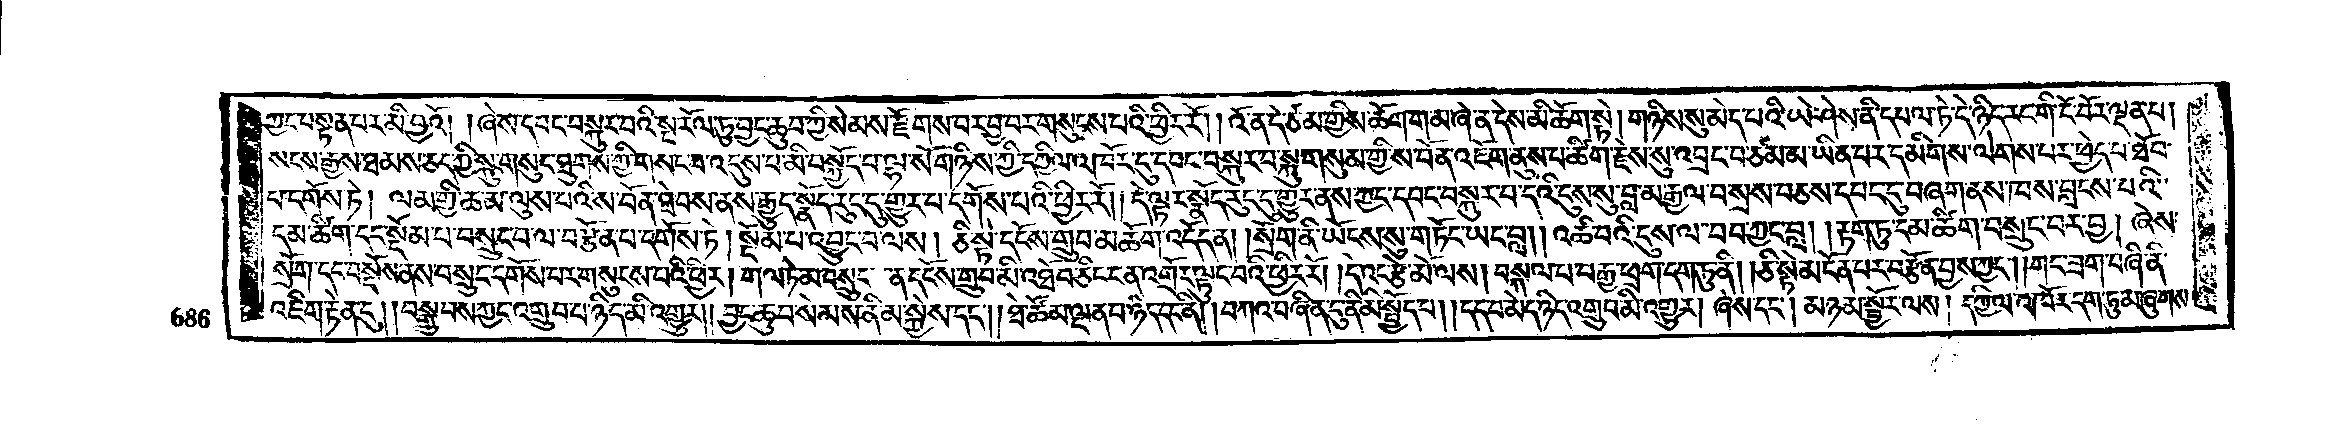ཀྱང་བསྟན་པར་མི་བྱའོ། །ཞེས་དབང་བསྐུར་བའི་སྔ་རོལ་ཏུ་བྱང་ཆུབ་ཀྱི་སེམས་རྫོགས་པར་བྱ་བར་གསུངས་པའི་ཕྱིར་རོ། །འོ་ན་དེ་ཙམ་གྱིས་ཆོག་གམ་ཞེ་ན་དེས་མི་ཆོག་སྟེ། གཉིས་སུ་མེད་པའི་ཡེ་ཤེས་ནི་དཔལ་ཏེ་དེ་ཉིད་རང་གི་ངོ་བོར་ལྡན་པ།
སངས་རྒྱས་ཐམས་ཅད་ཀྱི་སྐུ་གསུང་ཐུགས་ཀྱི་གསང་བ་འདུས་པ་མི་བསྐྱོད་པ་ལྷ་སོ་གཉིས་ཀྱི་དཀྱིལ་འཁོར་དུ་དབང་བསྐུར་བ་སྐུ་གསུམ་གྱི་ས་བོན་འཇོག་ནུས་པ་ཚིག་རྗེས་སུ་འབྲང་བ་ཙམ་མ་ཡིན་པར་དམིགས་ལེགས་པར་ཕྱེད་པ་ཐོབ་
པ་དགོས་ཏེ། ལམ་གྱི་ཆ་མ་ལུས་པའི་ས་བོན་ཐེབས་ནས་རྒྱུད་སྣོད་རུང་དུ་གྱུར་པ་དགོས་པའི་ཕྱིར་རོ། །དེ་ལྟར་སྣོད་རུང་དུ་གྱུར་ནས་ཀྱང་དབང་བསྐུར་བ་དེའི་དུས་སུ་བླ་མ་རྒྱལ་བ་སྲས་བཅས་དཔང་དུ་བཞག་ནས་ཁས་བླངས་པའི་
དམ་ཚིག་དང་སྡོམ་པ་བསྲུང་བ་ལ་བརྩོན་པ་དགོས་ཏེ། སྡོམ་པ་འབྱུང་བ་ལས། ཅི་སྟེ་དངོས་གྲུབ་མཆོག་འདོད་ན། །སྲོག་ནི་ཡོངས་སུ་གཏོང་ཡང་བླ། །འཆི་བའི་དུས་ལ་བབ་ཀྱང་བླ། །རྟག་ཏུ་དམ་ཚིག་བསྲུང་བར་བྱ། ཞེས་
སྲོག་དང་བསྡོས་ནས་བསྲུང་དགོས་པར་གསུངས་པའི་ཕྱིར། གལ་ཏེ་མ་བསྲུང་ན་དངོས་གྲུབ་མི་འཐོབ་ཅིང་ངན་འགྲོར་ལྟུང་བའི་ཕྱིར་རོ། །དེ་འང་རྩེ་མོ་ལས། བསྐལ་པ་བརྒྱ་ཕྲག་དག་ཏུ་ནི། །ཅི་སྟེ་མངོན་པར་བརྩོན་བྱས་ཀྱང་། །གང་ཟག་བཞི་ནི་
འཇིག་རྟེན་དུ། །བསྒྲུབས་ཀྱང་འགྲུབ་པ་ཉིད་མི་འགྱུར། །བྱང་ཆུབ་སེམས་ནི་མ་སྐྱེས་དང་། །ཐེ་ཚོམ་ལྡན་པ་ཉིད་དང་ནི། །བཀའ་བཞིན་དུ་ནི་མི་སྤྱོད་པ། །དད་པ་མེད་ཉིད་འགྲུབ་མི་འགྱུར། ཞེས་དང་། མཉམ་སྦྱོར་ལས། དཀྱིལ་འཁོར་དག་ཏུ་མ་ཞུགས་